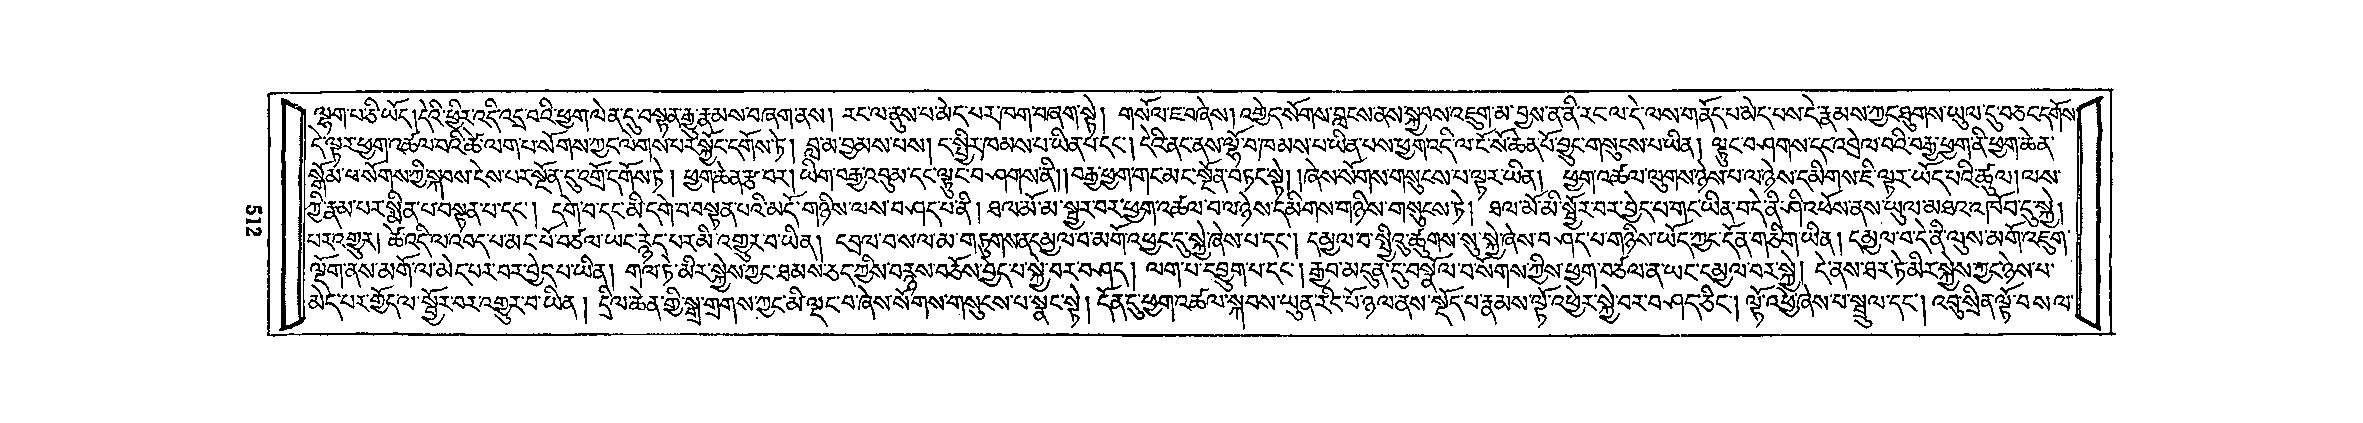ལྷག་པ་ཅི་ཡོད། དེའི་ཕྱིར་འདི་འདྲ་བའི་ཕྱག་ལེན་དུ་བསྟན་རྒྱུ་རྣམས་བཞག་ནས། རང་ལ་ནུས་པ་མེད་པར་ཁག་བཞག་སྟེ། གསོལ་ཇ་བཞེས། འགྱེད་སོགས་བླངས་ནས་སྐྱབས་འཇུག་མ་བྱས་ན་ནི་རང་ལ་དེ་ལས་གནོད་པ་མེད་པས་དེ་རྣམས་ཀྱང་ཐུགས་ཡུལ་དུ་བཅང་དགོས་
དེ་ལྟར་ཕྱག་འཚལ་བའི་ཚེ་ལག་པ་སོགས་ཀྱང་ལེགས་པར་སྐྱོང་དགོས་ཏེ། བླ་མ་བྱམས་པས། ད་སྤྱིར་ཁམས་པ་ཡིན་པ་དང་། དེའི་ནང་ནས་ལྷོ་བ་ཁམས་པ་ཡིན་པས་ཕྱག་འདི་ལ་ངོ་སོ་ཆེན་པོ་བྱུང་གསུངས་པ་ཡིན། ལྟུང་བཤགས་དང་འབྲེལ་བའི་བརྒྱ་ཕྱག་ནི་ཕྱག་ཆེན་
སྒོམ་པ་སོགས་ཀྱི་སྐབས་ངེས་པར་སྔོན་དུ་འགྲོ་དགོས་ཏེ། ཕྱག་ཆེན་རྩ་བར། ཡིག་བརྒྱ་འབུམ་དང་ལྟུང་བཤགས་ནི། །བརྒྱ་ཕྱག་གང་མང་སྔོན་བཏང་སྟེ། །ཞེས་སོགས་གསུངས་པ་ལྟར་ཡིན། ཕྱག་འཚལ་ལུགས་ཉེས་པ་ལ་ཉེས་དམིགས་ཇི་ལྟར་ཡོད་པའི་ཚུལ། ལས་
ཀྱི་རྣམ་པར་སྨིན་པ་བསྟན་པ་དང་། དགེ་བ་དང་མི་དགེ་བ་བསྟན་པའི་མདོ་གཉིས་ལས་བཤད་པ་ནི། ཐལ་མོ་མ་སྦྱར་བར་ཕྱག་འཚལ་བ་ལ་ཉེས་དམིགས་གཉིས་གསུངས་ཏེ། ཐལ་མོ་མི་སྦྱོར་བར་བྱེད་པ་གང་ཡིན་བདེ་ནི་ཤི་འཕོས་ནས་ཡུལ་མཐའ་འཁོབ་དུ་སྐྱེ།
པར་འགྱུར། ཚེ་འདི་ལ་འབད་པ་མང་པོ་བཙལ་ཡང་རྙེད་པར་མི་འགྱུར་བ་ཡིན། དབྲལ་བ་ས་ལ་མ་གཏུགས་ན་དམྱལ་བ་མགོ་འཕྱང་དུ་སྐྱེ་ཞེས་པ་དང་། དམྱལ་བ་སྤྱིའུ་ཚུགས་སུ་སྐྱེ་ཞེས་བཤད་པ་གཉིས་ཡོད་ཀྱང་དོན་གཅིག་ཡིན། དམྱལ་བ་དེ་ནི་ལུས་མགོ་འཇུག་
ལྡོག་ནས་མགོ་ལ་མེད་པར་བར་བྱེད་པ་ཡིན། གལ་ཏེ་མིར་སྐྱེས་ཀྱང་ཐམས་ཅད་ཀྱིས་བརྙས་བཅོས་བྱེད་པ་སྐྱེ་བར་བཤད། ལག་པ་དབྱུག་པ་དང་། རྒྱབ་མདུན་དུ་བསྣོལ་བ་སོགས་ཀྱིས་ཕྱག་བཙལ་ན་ཡང་དམྱལ་བར་སྐྱེ། དེ་ནས་ཐར་ཏེ་མིར་སྐྱེས་ཀྱང་ཉེས་པ་
མེད་པར་གྱོད་ལ་སྦྱོར་བར་འགྱུར་བ་ཡིན། དྲིལ་ཆེན་གྱི་སྒྲ་གྲགས་ཀྱང་མི་ལྡང་བ་ཞེས་སོགས་གསུངས་པ་སྣང་སྟེ། དོན་དུ་ཕྱག་འཚལ་སྐབས་ཡུན་རིང་པོ་ཉལ་ནས་སྡོད་པ་རྣམས་ལྟོ་འཕྱེར་སྐྱེ་བར་བཤད་ཅིང་། ལྟོ་འཕྱེ་ཞེས་པ་སྦྲུལ་དང་། འབུ་སྲིན་ལྟོ་བསལ་